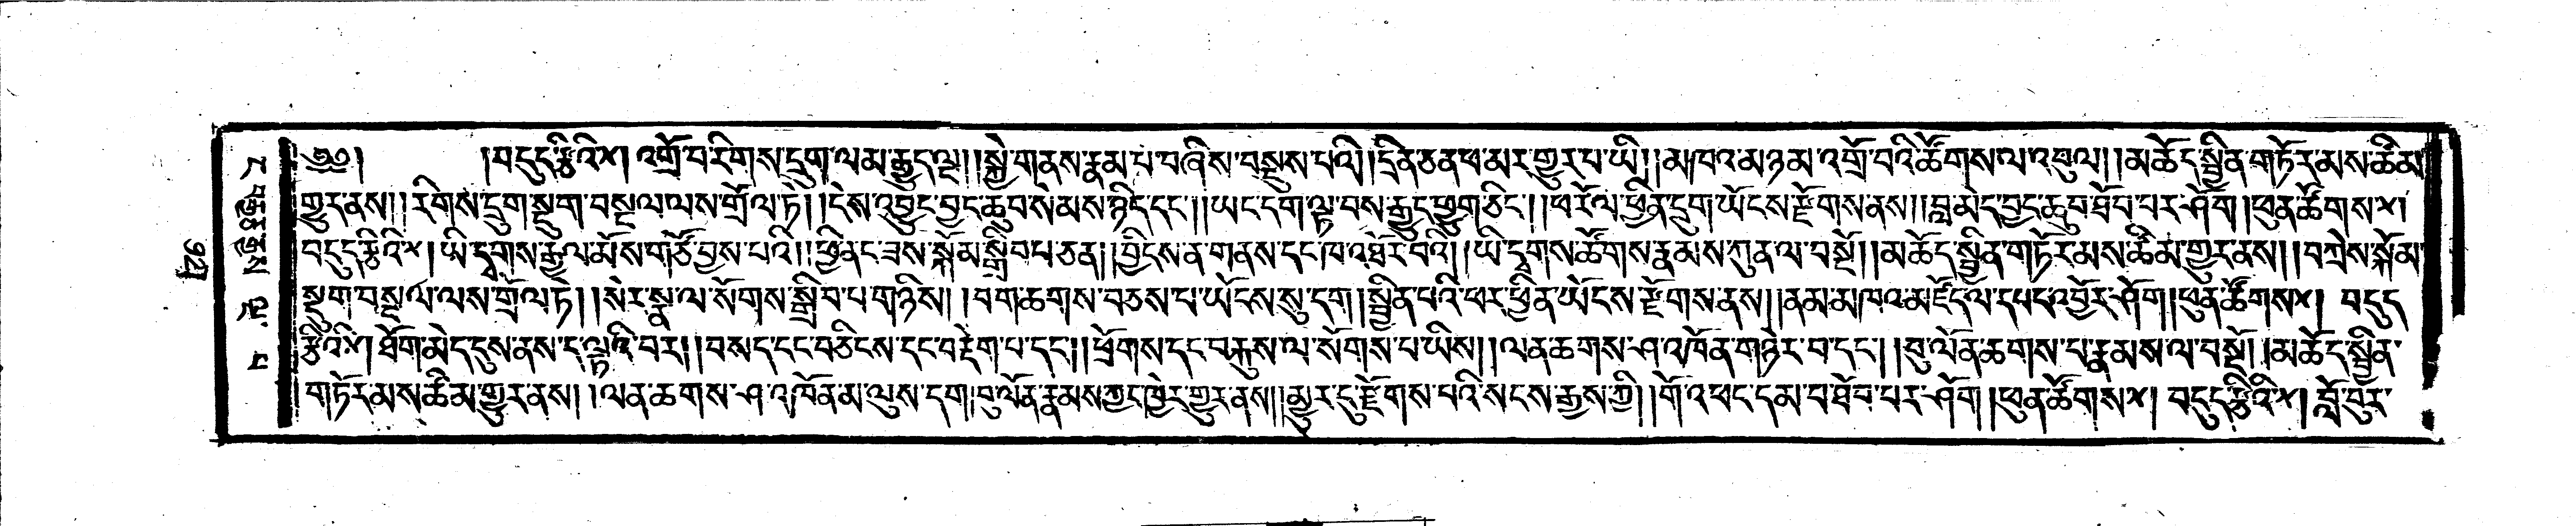༄༅། །བདུད་རྩིའི་྾། འགྲོ་བ་རིགས་དྲུག་ལམ་རྒྱུད་ལྔ། །སྐྱེ་གནས་རྣམ་པ་བཞིས་བསྡུས་པའི། །དྲིན་ཅན་ཕ་མར་གྱུར་པ་ཡི། །མཁའ་མཉམ་འགྲོ་བའི་ཚོགས་ལ་འབུལ། །མཆོད་སྦྱིན་གཏོར་མས་ཚིམ་
གྱུར་ནས། །རིགས་དྲུག་སྡུག་བསྔལ་ལས་གྲོལ་ཏེ། །ངེས་འབྱུང་བྱང་ཆུབ་སེམས་ཉིད་དང་། །ཡང་དག་ལྟ་བས་རྒྱུད་ཕྱུག་ཅིང་། །ཕ་རོལ་ཕྱིན་དྲུག་ཡོངས་རྫོགས་ནས། །བླ་མེད་བྱང་ཆུབ་ཐོབ་པར་ཤོག །ཕུན་ཚོགས་྾།
བདུད་རྩིའི་྾། ཡི་དྭགས་རྒྱལ་མོས་གཙོ་བྱས་པའི། །ཕྱི་ནང་ཟས་སྐོམ་སྒྲིབ་པ་ཅན། །བྱིངས་ན་གནས་དང་ཁ་འཐོར་བའི། །ཡི་དྭགས་ཚོགས་རྣམས་ཀུན་ལ་བསྔོ། །མཆོད་སྦྱིན་གཏོར་མས་ཚིམ་གྱུར་ནས། །བཀྲེས་སྐོམ་
སྡུག་བསྔལ་ལས་གྲོལ་ཏེ། །སེར་སྣ་ལ་སོགས་སྒྲིབ་པ་གཉིས། །བག་ཆགས་བཅས་པ་ཡོངས་སུ་དག །སྦྱིན་པའི་ཕར་ཕྱིན་ཡོངས་རྫོགས་ནས། །ནམ་མཁའ་མཛོད་ལ་དབང་འབྱོར་ཤོག །ཕུན་ཚོགས་྾། བདུད་
རྩིའི་྾། ཐོག་མེད་དུས་ནས་ད་ལྟའི་བར། །བསད་དང་བཅིངས་དང་བརྡེག་པ་དང་། །ཕྲོགས་དང་བརྐུས་ལ་སོགས་པ་ཡིས། །ལན་ཆགས་ཤ་འཁོན་གཉེར་བ་དང་། །བུ་ལོན་ཆགས་པ་རྣམས་ལ་བསྔོ། །མཆོད་སྦྱིན་
གཏོར་མས་ཚིམ་གྱུར་ནས། །ལན་ཆགས་ཤ་འཁོན་མ་ལུས་དག །བུ་ལོན་རྣམས་ཀྱང་ཁྱེར་གྱུར་ནས། །མྱུར་དུ་རྫོགས་པའི་སངས་རྒྱས་ཀྱི། །གོ་འཕང་དམ་པ་ཐོབ་པར་ཤོག །ཕུན་ཚོགས་྾། བདུད་རྩིའི་྾། བློ་བུར་